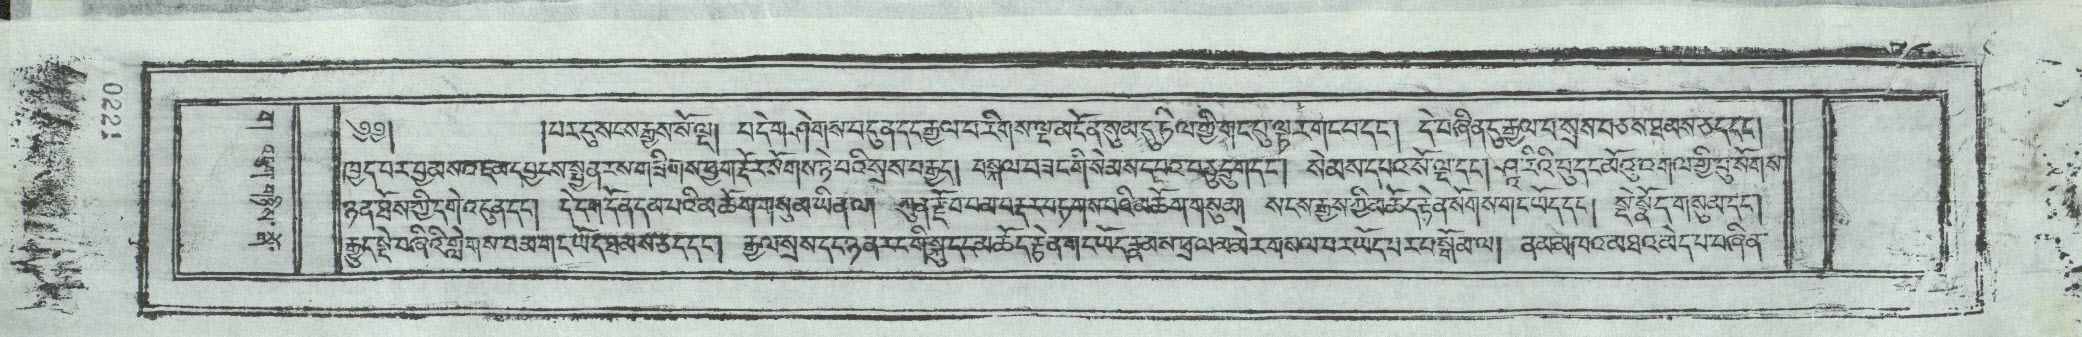༄༅། །པར་དུ་སངས་རྒྱས་སོ་ལྔ། བདེ་གཤེགས་བདུན་དང་རྒྱལ་བ་རིགས་ལྔ་མངོན་སུམ་དུ་ཏིལ་གྱི་གང་བུ་ལྟར་གང་བ་དང་། དེ་བཞིན་དུ་རྒྱལ་བ་སྲས་བཅས་ཐམས་ཅད་དང་།
ཁྱད་པར་བྱམས་འཇམ་དབྱངས་སྤྱན་རས་གཟིགས་ཕྱག་རྡོར་སོགས་ཉེ་བའི་སྲས་བརྒྱད། བསྐལ་བཟང་གི་སེམས་དཔའ་བཅུ་དྲུག་དང་། སེམས་དཔའ་སོ་ལྔ་དང་། ཤཱ་རིའི་བུ་དང་མོའུ་འགལ་གྱི་བུ་སོགས་
ཉན་ཐོས་ཀྱི་དགེ་འདུན་དང་། དེ་དག་དོན་དམ་པའི་མཆོག་གསུམ་ཡིན་ལ། ཀུན་རྫོབ་བམ་བརྡར་བཏགས་པའི་མཆོག་གསུམ། སངས་རྒྱས་ཀྱི་མཆོད་རྟེན་སོགས་གང་ཡོད་དང་། སྡེ་སྣོད་གསུམ་དང་།
རྒྱུད་སྡེ་བཞིའི་གླེགས་བམ་གང་ཡོད་ཐམས་ཅད་དང་། རྒྱལ་སྲས་དང་ཉན་རང་གི་སྐུ་དང་མཆོད་རྟེན་གང་ཡོད་རྣམས་ཕྲ་ལམ་མེར་གསལ་བར་ཡོད་པར་བསྒོམ་ལ། ནམ་མཁའ་མཐའ་མེད་པ་བཞིན་